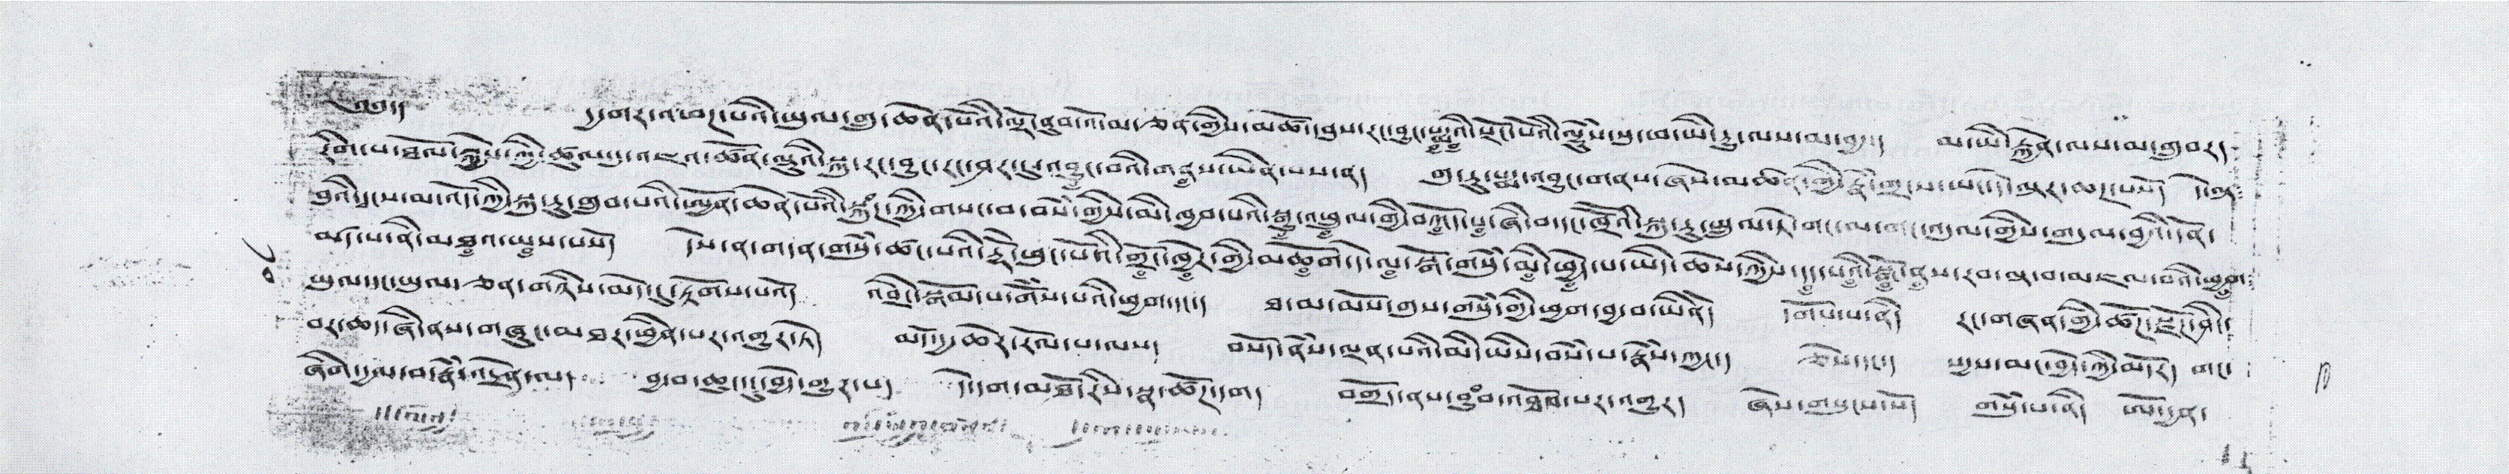རྒྱ་གར་འཕགས་པའི་ཡུལ་གྲུ་ཆེན་པོའི་ལྷོ་ནུབ་འོ་མ་ཅན་གྱི་མཚོ་དབུས་རང་བྱུང་པད་མའི་སྡོང་པོའི་ལྷུམས་སུ་ཕ་ཡི་རྒྱུ་ལས་མ་བྱུང་། མ་ཡི་རྐྱེན་ལས་མ་གྲུབ་པར་
རིག་པ་ཐོལ་སྐྱེས་ཀྱི་ཚུལ་དུ་འཇའ་ཚོན་ལྟ་བུའི་སྐུ་རང་འབྱུང་རང་ཤར་དུ་འབྱུང་བའི་གནས་ཡིན་པས་ན། གུ་རུ་པདྨ་འབྱུང་གནས་ཞེས་མཚན་གྱི་རྣམ་གྲངས་དེ་ལྟར་ཆགས་པའོ། །དེ་ལྟ་
བུའི་དྭངས་མ་འོད་ཀྱི་སྐུ་རུ་གྲུབ་པའི་ཨོ་རྒྱན་ཆེན་པོའི་སྐུ་གསུང་ཐུགས་ཀྱི་གསང་བ་བསམ་གྱིས་མི་ཁྱབ་པའི་སྒྱུ་འཕྲུལ་གྱི་བཀོད་པ་ཞི་བ་དང་ཁྲོ་བོ་སྐུ་རུ་སྤྲུལ་ཏེ་གང་ལ་གང་འདུལ་གྱིས་གདུལ་བྱའི་དོན་
མཛད་པ་མཐའ་ཡས་པས་སོ། །དེས་ན་གདན་གསུམ་རྡོ་རྗེ་ཕུང་པོའི་གྲོང་ཁྱེར་གྱི་མཆོག་དེ་ལ་སྒོ་གསུམ་མི་ཕྱེད་པ་ཡིད་ཆེས་ཀྱི་དད་པའི་སྒོ་ནས་རབ་ལྟ་བ་འཇལ་བའི་ཕྱག་
ཡུལ་དང་ཡུལ་ཅན་གཉིས་མེད་དུ་རྟོགས་པའོ། །འབྲིང་སྒོམ་པ་གོམས་པའི་ཕྱག་དང་། ཐ་མ་མོས་གུས་གསུམ་གྱི་ཕྱག་བྱ་བ་ཡིན་ནོ། །དགོས་པ་ནི། རང་གཞན་གྱི་ཚོགས་རྫོགས་ཤིང་
བར་ཆད་ཞི་ནས་གཞུང་མཐར་ཕྱིན་པར་འགྱུར་ཏེ། མདོ་རྒྱ་ཆེར་རོལ་པ་ལས། བསོད་ནམས་ལྡན་པའི་མི་ཡིས་བསམ་པ་རྣམས་ཀྱང་༼འགྲུབ༽། ཅེས་དང་། སངས་རྒྱས་མང་བྱེད་ཀྱི་མདོར། གང་
ཞིག་རྒྱལ་བ་རྣམ་འདྲེན་ལ། བྱ་བ་ཆུང་ངུ་བྱེད་གྱུར་པ། །དེ་དག་མཐོ་རིས་སྣ་ཚོགས་དག །བགྲོད་ནས་བྱང་ཆུབ་ཐོབ་པར་འགྱུར། །ཞེས་གསུངས་སོ། གསུམ་པ་ནི། ཨོ་རྒྱན་